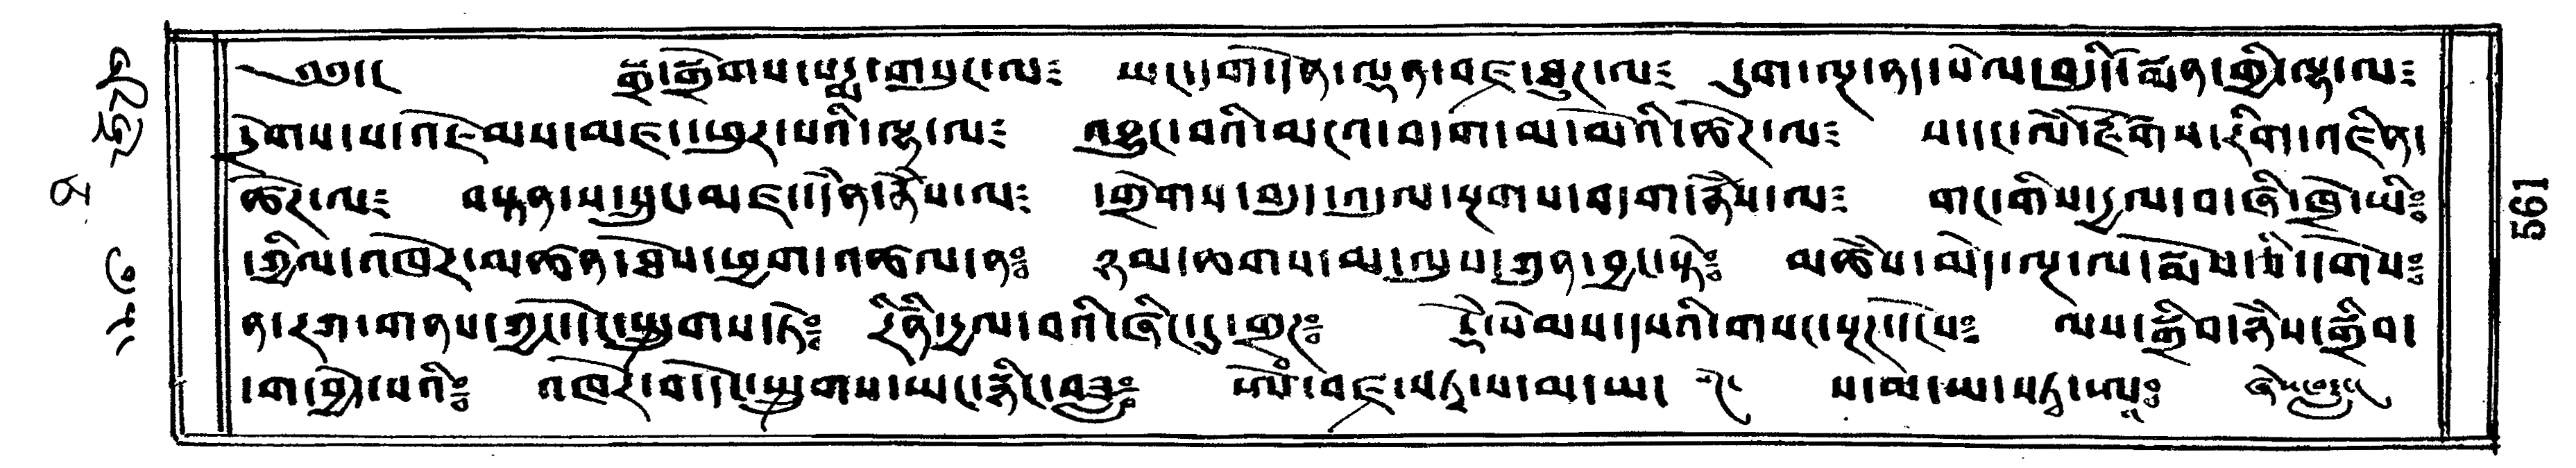སྒྲ་སྒྲོགས་པདྨ་གསུང་ལ༴ ཡང་དག་དོན་ལྡན་བཛྲ་ཐུགས་ལ༴ དུག་ལྔ་ནད་སེལ་བདུད་རྩི་སྨན་གྱི་ལྷ་ལ༴ 
དྲེགས་པ་འཇོམས་མཛད་ཕུར་པའི་ལྷ་ལ༴ འབྱུང་བའི་མངའ་བདག་མ་མོའི་ཚོགས་ལ༴ ས་དང་ལམ་རྫོགས་རིག་འཛིན་
ཚོགས་ལ༴ བསྟན་པ་སྲུང་མཛད་དམ་ཅན་རྣམས་ལ༴ དགྲ་བགེགས་བདུད་འདུལ་སྔགས་བདག་རྣམས་ལ༴ གང་གིས་རྒྱལ་བ་ཞི་ཁྲོ་ཡི༔ 
དཀྱིལ་འཁོར་མཚན་ཐོས་ཕྱག་འཚལ་ན༔ ཉམས་ཆག་མ་ལུས་ཀུན་བྱང་ན༔ མཚམས་མེད་ལྔ་ལ་སྨོས་ཅི་དགོས༔ 
ན་རཀ་གནས་ཀྱང་དོང་སྤྲུགས་ཏེ༔ རིག་འཛིན་རྒྱལ་བའི་ཞིང་དུ་གྲགས༔ རྡོ་རྗེ་སེམས་དཔའི་གསང་སྔགས་དངོས༔ ལས་སྒྲིབ་ཉམས་སྒྲིབ་
དག་བྱེད་པའི༔ འཁོར་བ་དོང་སྤྲུགས་ཡང་སྙིང་བཟླ༔ ཨོཾ་བཛྲ་ས་ཏྭ་ས་མ་ཡཿ སོགས། ས་མ་ཡ་ས་ཏྭ་ཨཱཿ ཞེས་བཟླ།